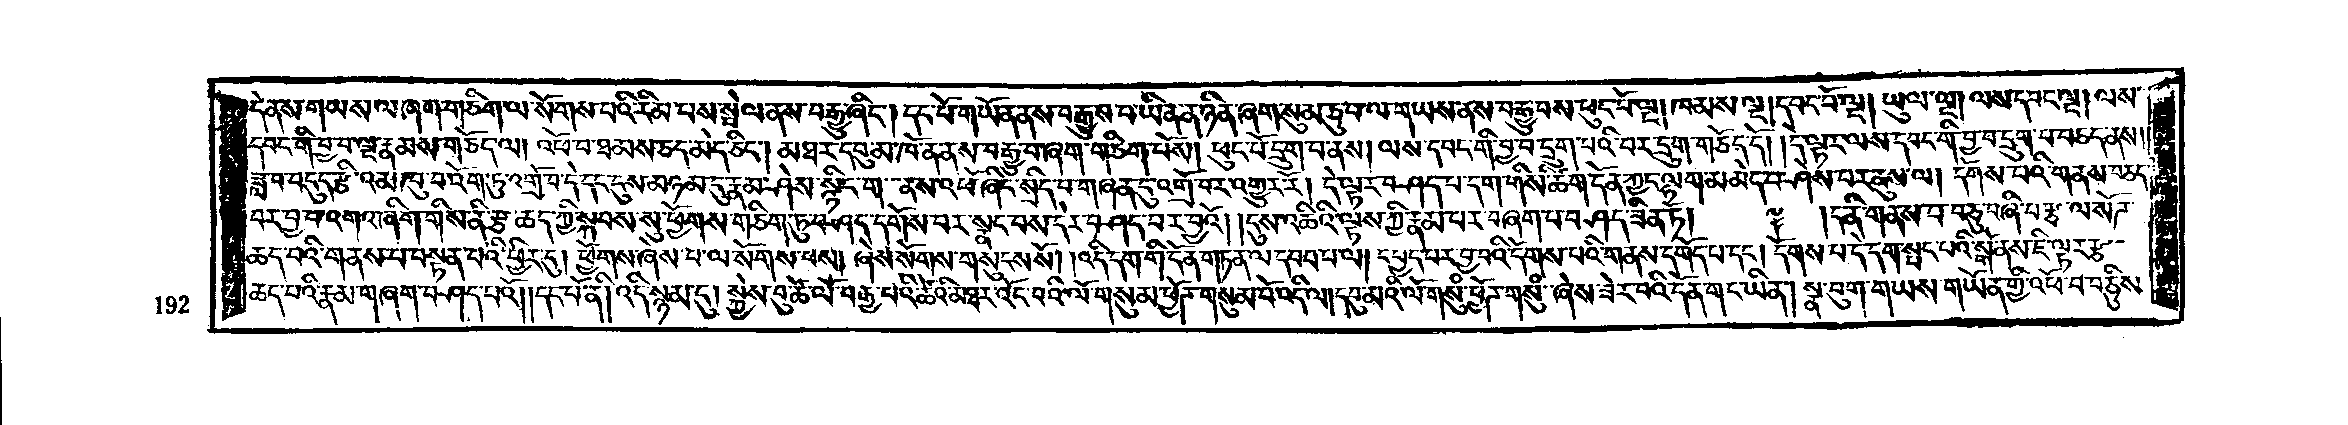དེ་ནས་གཡས་ལ་ཞག་གཅིག་ལ་སོགས་པའི་རིམ་པས་སྤེལ་ནས་བརྒྱུ་ཞིང་། དང་པོ་གཡོན་ནས་བརྒྱུས་བ་ཡིན་ན་ཉིན་ཞག་སུམ་ཅུ་པ་ལ་གཡས་ནས་བརྒྱུ་བས་ཕུང་པོ་ལྔ། ཁམས་ལྔ། དབང་པོ་ལྔ། ཡུལ་ལྔ། ལས་དབང་ལྔ། ལས་
དབང་གི་བྱ་བ་ལྔ་རྣམས་གཅོད་ལ། འཕོ་བ་ཐམས་ཅད་མེད་ཅིང་། མཐར་དབུ་མ་ཁོ་ན་ནས་བརྒྱུ་བ་ཞག་གཅིག་པོས། ཕུང་པོ་དྲུག་པ་ནས། ལས་དབང་གི་བྱ་བ་དྲུག་པའི་བར་དྲུག་གཅོད་དོ། །དེ་ལྟར་ལས་དབང་གི་བྱ་བ་དྲུག་པ་བཅད་ནས།
ཟླ་བ་བདུད་རྩིའམ་ཁུ་བ་འོག་ཏུ་འགྲོ་བ་དེ་དང་དུས་མཉམ་དུ་རྣམ་ཤེས་སྙིང་ག་ནས་འཕོ་ཞིང་སྲིད་པ་གཞན་དུ་འགྲོ་བར་འགྱུར་རོ། དེ་ལྟར་བཤད་པ་དག་གིས་ཚིག་དོན་ཀྱང་ལྷག་མ་མེད་པ་ཤེས་པར་ནུས་ལ། དོགས་པའི་གནས་བཅད་
བར་བྱ་བ་འགའ་ཞིག་གིས་ནི་རྩ་ཆད་ཀྱི་སྐབས་སུ་ཕྱོགས་གཅིག་ཏུ་བཤད་དགོས་པར་སྣང་བས་དེར་བཤད་པར་བྱའོ། །དུས་འཆིའི་ལྟས་ཀྱི་རྣམ་པར་བཞག་པ་བཤད་ཟིན་ཏོ། ༈ །ད་ནི་གནས་པ་བཅུ་བཞི་པ་རྩ་ལ་སོགས་
ཆད་པའི་གནས་པ་བསྟན་པའི་ཕྱིར་དུ། ཕྱོགས་ཞེས་པ་ལ་སོགས་པས། ཞེས་སོགས་གསུངས་སོ། །འདི་དག་གི་དོན་གཏན་ལ་དབབ་པ་ལ། དཔྱད་པར་བྱ་བའི་དོགས་པའི་གནས་དགོད་པ་དང་། དོགས་པ་དེ་དག་སྤང་པའི་སྒོ་ནས་ཇི་ལྟར་རྩ་
ཆད་པའི་རྣམ་གཞག་བཤད་པའོ། །དང་པོ་ནི། འདི་སྙམ་དུ། སྐྱེས་བུ་ཚེ་ལོ་བརྒྱ་པའི་ཚེའི་མཐར་འོང་བའི་ལོ་གསུམ་ཕྱོགས་གསུམ་པོ་འདི་ལ། དབུ་མའི་ལོ་གསུམ་ཕྱོགས་གསུམ་ཞེས་ཟེར་བའི་དོན་གང་ཡིན། སྣ་བུག་གཡས་གཡོན་གྱི་འཕོ་བ་བཅུ་གཉིས་